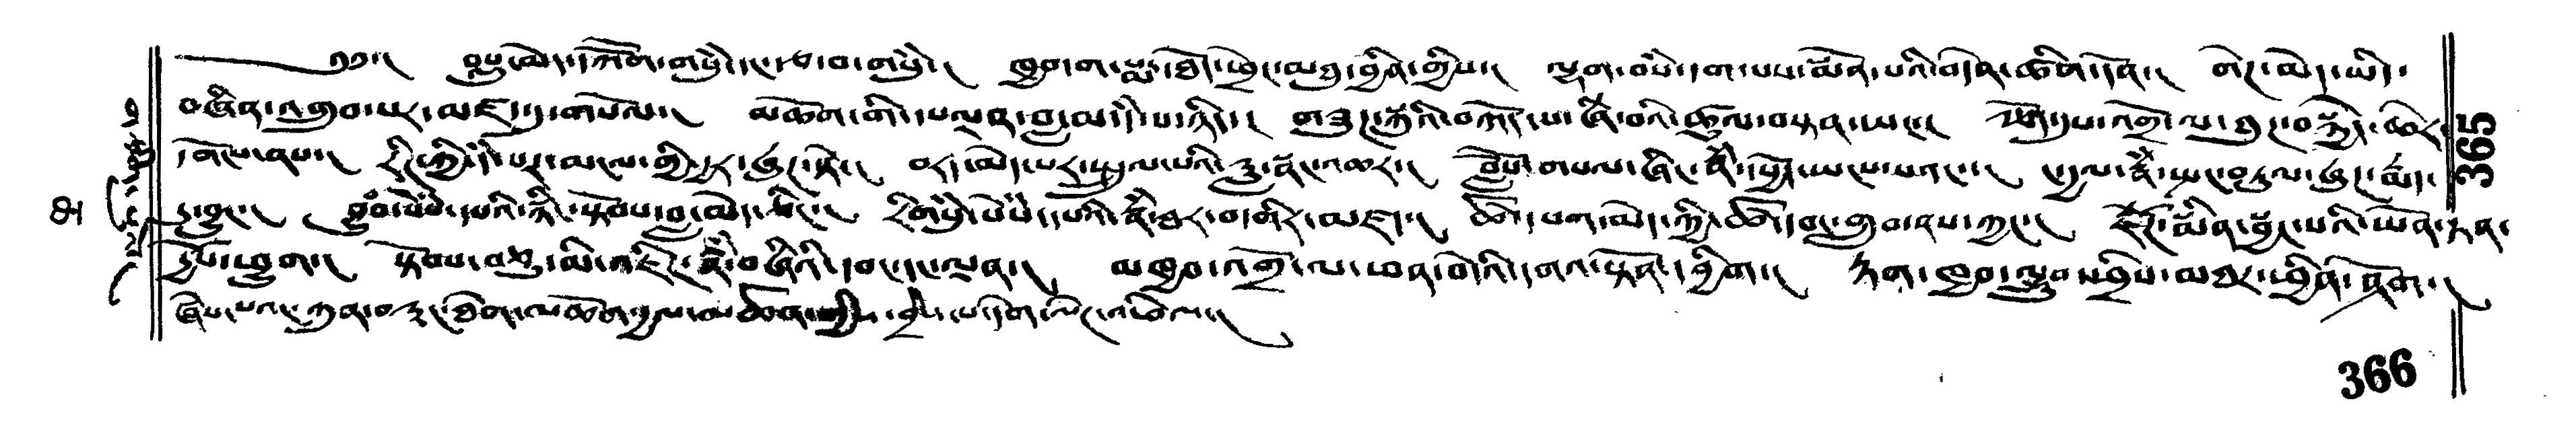བསླུ་མེད་དཀོན་མཆོག་གསུམ་དང་རྩ་བ་གསུམ། ཁྱབ་བདག་པདྨ་ཐོད་ཕྲེང་མཐུ་བྱིན་གྱིས། །ལྷག་བསམ་དག་པས་སྨོན་པའི་བདེན་ཚིག་དོན། །གེགས་མེད་ཡིད་
བཞིན་འགྲུབ་པར་མཛད་དུ་གསོལ། །མཆོག་གི་དཔལ་ལྡན་བླ་མ་དམ་པ་ཉིད། །གཟུགས་སྐུའི་བཀོད་པ་ཞི་བའི་ཚུལ་བསྟན་ཡང་། །རྩོད་དུས་འགྲོ་ལ་ཐུགས་བསྐྱེད་ཆེར་
དགོངས་ནས། །རིགས་ཀྱི་དམ་པར་མངལ་གྱི་རྒྱར་ཞུགས་སྟེ། །བར་ཆད་མེད་པར་སྤྲུལ་པའི་ཟླ་སྣང་འཆར། །བློ་གྲོས་གསལ་ཞིང་རྣམ་དཔྱོད་ཡངས་པ་དང་། །ང་རྒྱལ་རྣམ་སྤངས་བཏུལ་ཞུགས་རྨད་
དུ་བྱུང་། །བྱང་ཆུབ་སེམས་དཔའི་སྙིང་སྟོབས་བླ་མེད་ཅིང་། །རིགས་གསུམ་སེམས་དཔའི་རྣམ་ཐར་བདག་གིར་མཛད། །ཚེ་དཔག་མེད་ཀྱི་ཚེ་དབང་གྲུབ་ནས་ཀྱང་། །རྫོགས་སྨིན་སྦྱངས་པའི་ཡོན་ཏན་
རྒྱ་མཚོས་ཕྱུག།སྟོབས་བཅུ་མི་འཇིགས་རྣམ་བཞིའི་དབང་དང་ལྡན། མཁའ་ཁྱབ་འགྲོ་ལ་ཕན་བདེའི་དགའ་སྟོན་དབྱིག །རྟག་ཁྱབ་ལྷུན་གྲུབ་ཕྲིན་ལས་མཐར་ཕྱིན་ཤོག 
ཅེས་པའང་ཀུན་བཟང་ཐེག་མཆོག་རྒྱལ་མཚན་གྱིས་བྲིས་པ་དགེ་ལེགས་འཕེལ།།